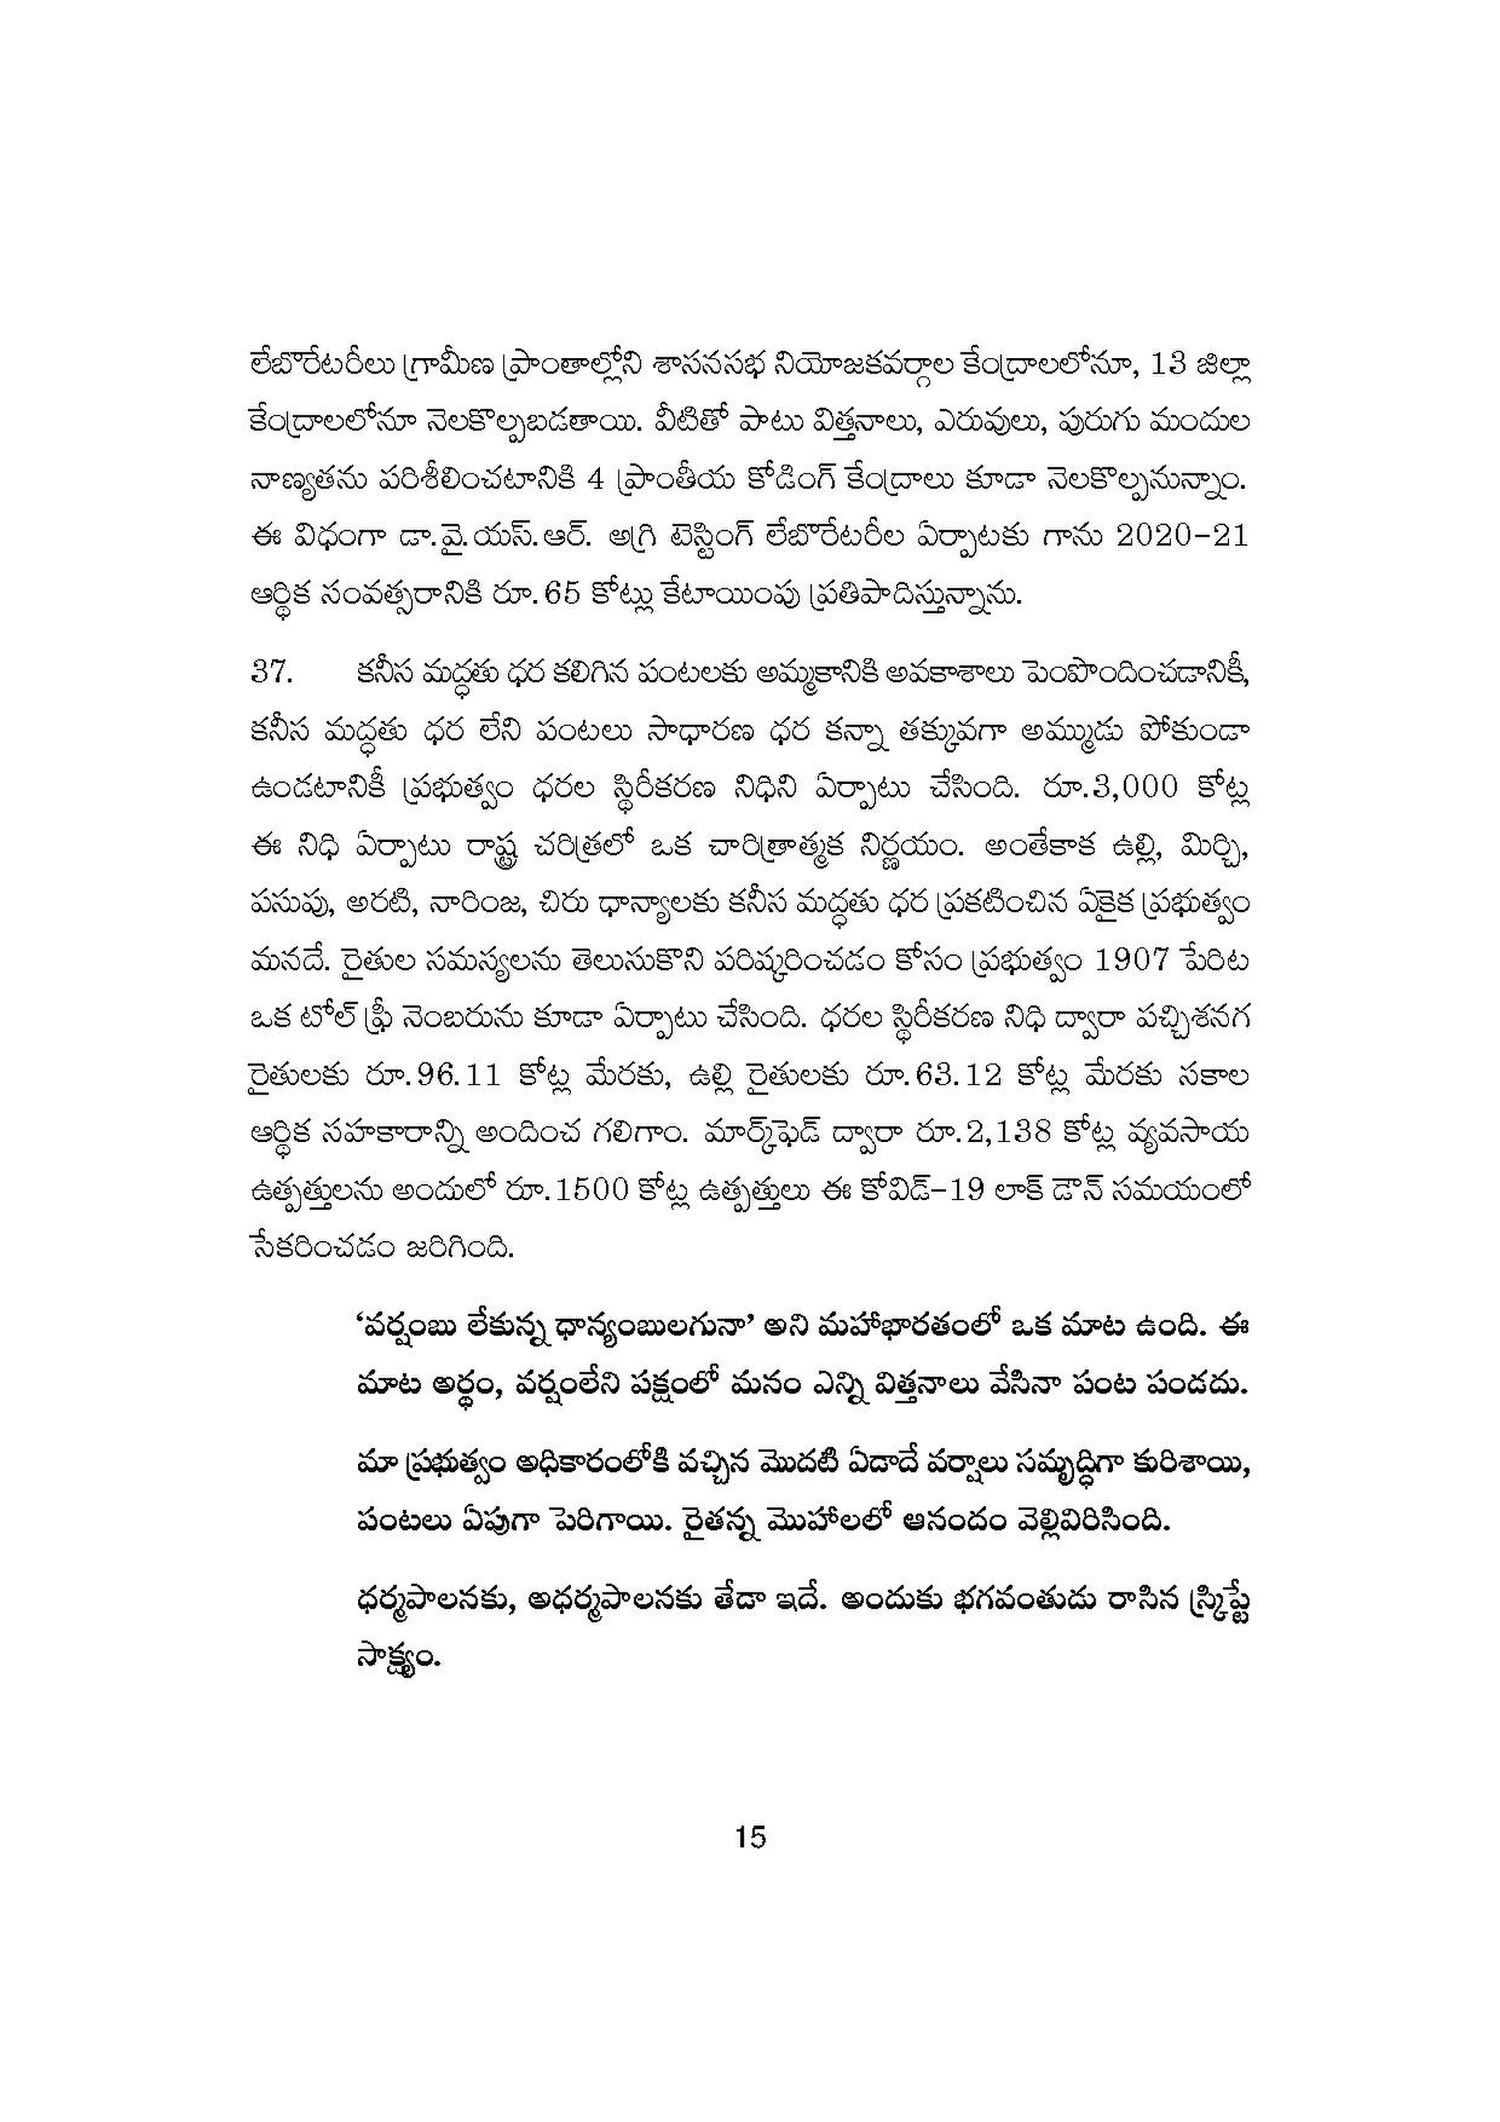లేబొరేటరీలు గ్రామీణ ప్రాంతాల్లోని శాసనసభ నియోజకవర్గాల కేంద్రాలలోనూ, 13
జిల్లా కేంద్రాలలోనూ నెలకొల్పబడతాయి. వీటితో పాటు విత్తనాలు, ఎరువులు, పురుగు మందుల నాణ్యతను పరిశీలించటానికి 4 ప్రాంతీయ కోడింగ్ కేంద్రాలు కూడా నెలకొల్పనున్నాం. ఈ విధంగా డా.వై.యస్.ఆర్. అగ్రి టెస్టింగ్ లేబొరేటరీల ఏర్పాటకు గాను 2020-21 ఆర్థిక సంవత్సరానికి రూ. 65 కోట్లు కేటాయింపు ప్రతిపాదిస్తున్నాను. 

37. కనీస మద్దతు ధర కలిగిన పంటలకు అమ్మకానికి అవకాశాలు పెంపొందించడానికీ, కనీస మద్దతు ధర లేని పంటలు సాధారణ ధర కన్నా తక్కువగా అమ్ముడు పోకుండా ఉండటానికి ప్రభుత్వం ధరల స్థిరీకరణ నిధిని ఏర్పాటు చేసింది. రూ.3,000 కోట్ల ఈ నిధి ఏర్పాటు రాష్ట్ర చరిత్రలో ఒక చారిత్రాత్మక నిర్ణయం. అంతేకాక ఉల్లి, మిర్చి, పసుపు, అరటి, నారింజ, చిరు ధాన్యాలకు కనీస మద్దతు ధర ప్రకటించిన ఏకైక ప్రభుత్వం మనదే. రైతుల సమస్యలను తెలుసుకొని పరిష్కరించడం కోసం ప్రభుత్వం 1907 పేరిట ఒక టోల్ ఫ్రీ నెంబరును కూడా ఏర్పాటు చేసింది. ధరల స్థిరీకరణ నిధి ద్వారా పచ్చిశనగ రైతులకు రూ. 96.11 కోట్ల మేరకు, ఉల్లి రైతులకు రూ. 63.12 కోట్ల మేరకు సకాల ఆర్థిక సహకారాన్ని అందించ గలిగాం. మార్క్ ఫెడ్ ద్వారా రూ.2,188 కోట్ల వ్యవసాయ ఉత్పత్తులను అందులో రూ.1500 కోట్ల ఉత్పత్తులు ఈ కోవిడ్-19 లాక్ డౌన్ సమయంలో సేకరించడం జరిగింది.

'వర్షంబు లేకున్న ధాన్యంబులగునా' అని మహాభారతంలో ఒక మాట ఉంది. ఈ మాట అర్థం, వర్షంలేని పక్షంలో మనం ఎన్ని విత్తనాలు వేసినా పంట పండదు.

మా ప్రభుత్వం అధికారంలోకి వచ్చిన మొదటి ఏడాదే వర్షాలు సమృద్ధిగా కురిశాయి, పంటలు ఏపుగా పెరిగాయి. రైతన్న మొహాలలో ఆనందం వెల్లివిరిసింది.

ధర్మపాలనకు, అధర్మపాలనకు తేడా ఇదే. అందుకు భగవంతుడు రాసిన స్క్రిప్ట్ సాక్ష్యం .